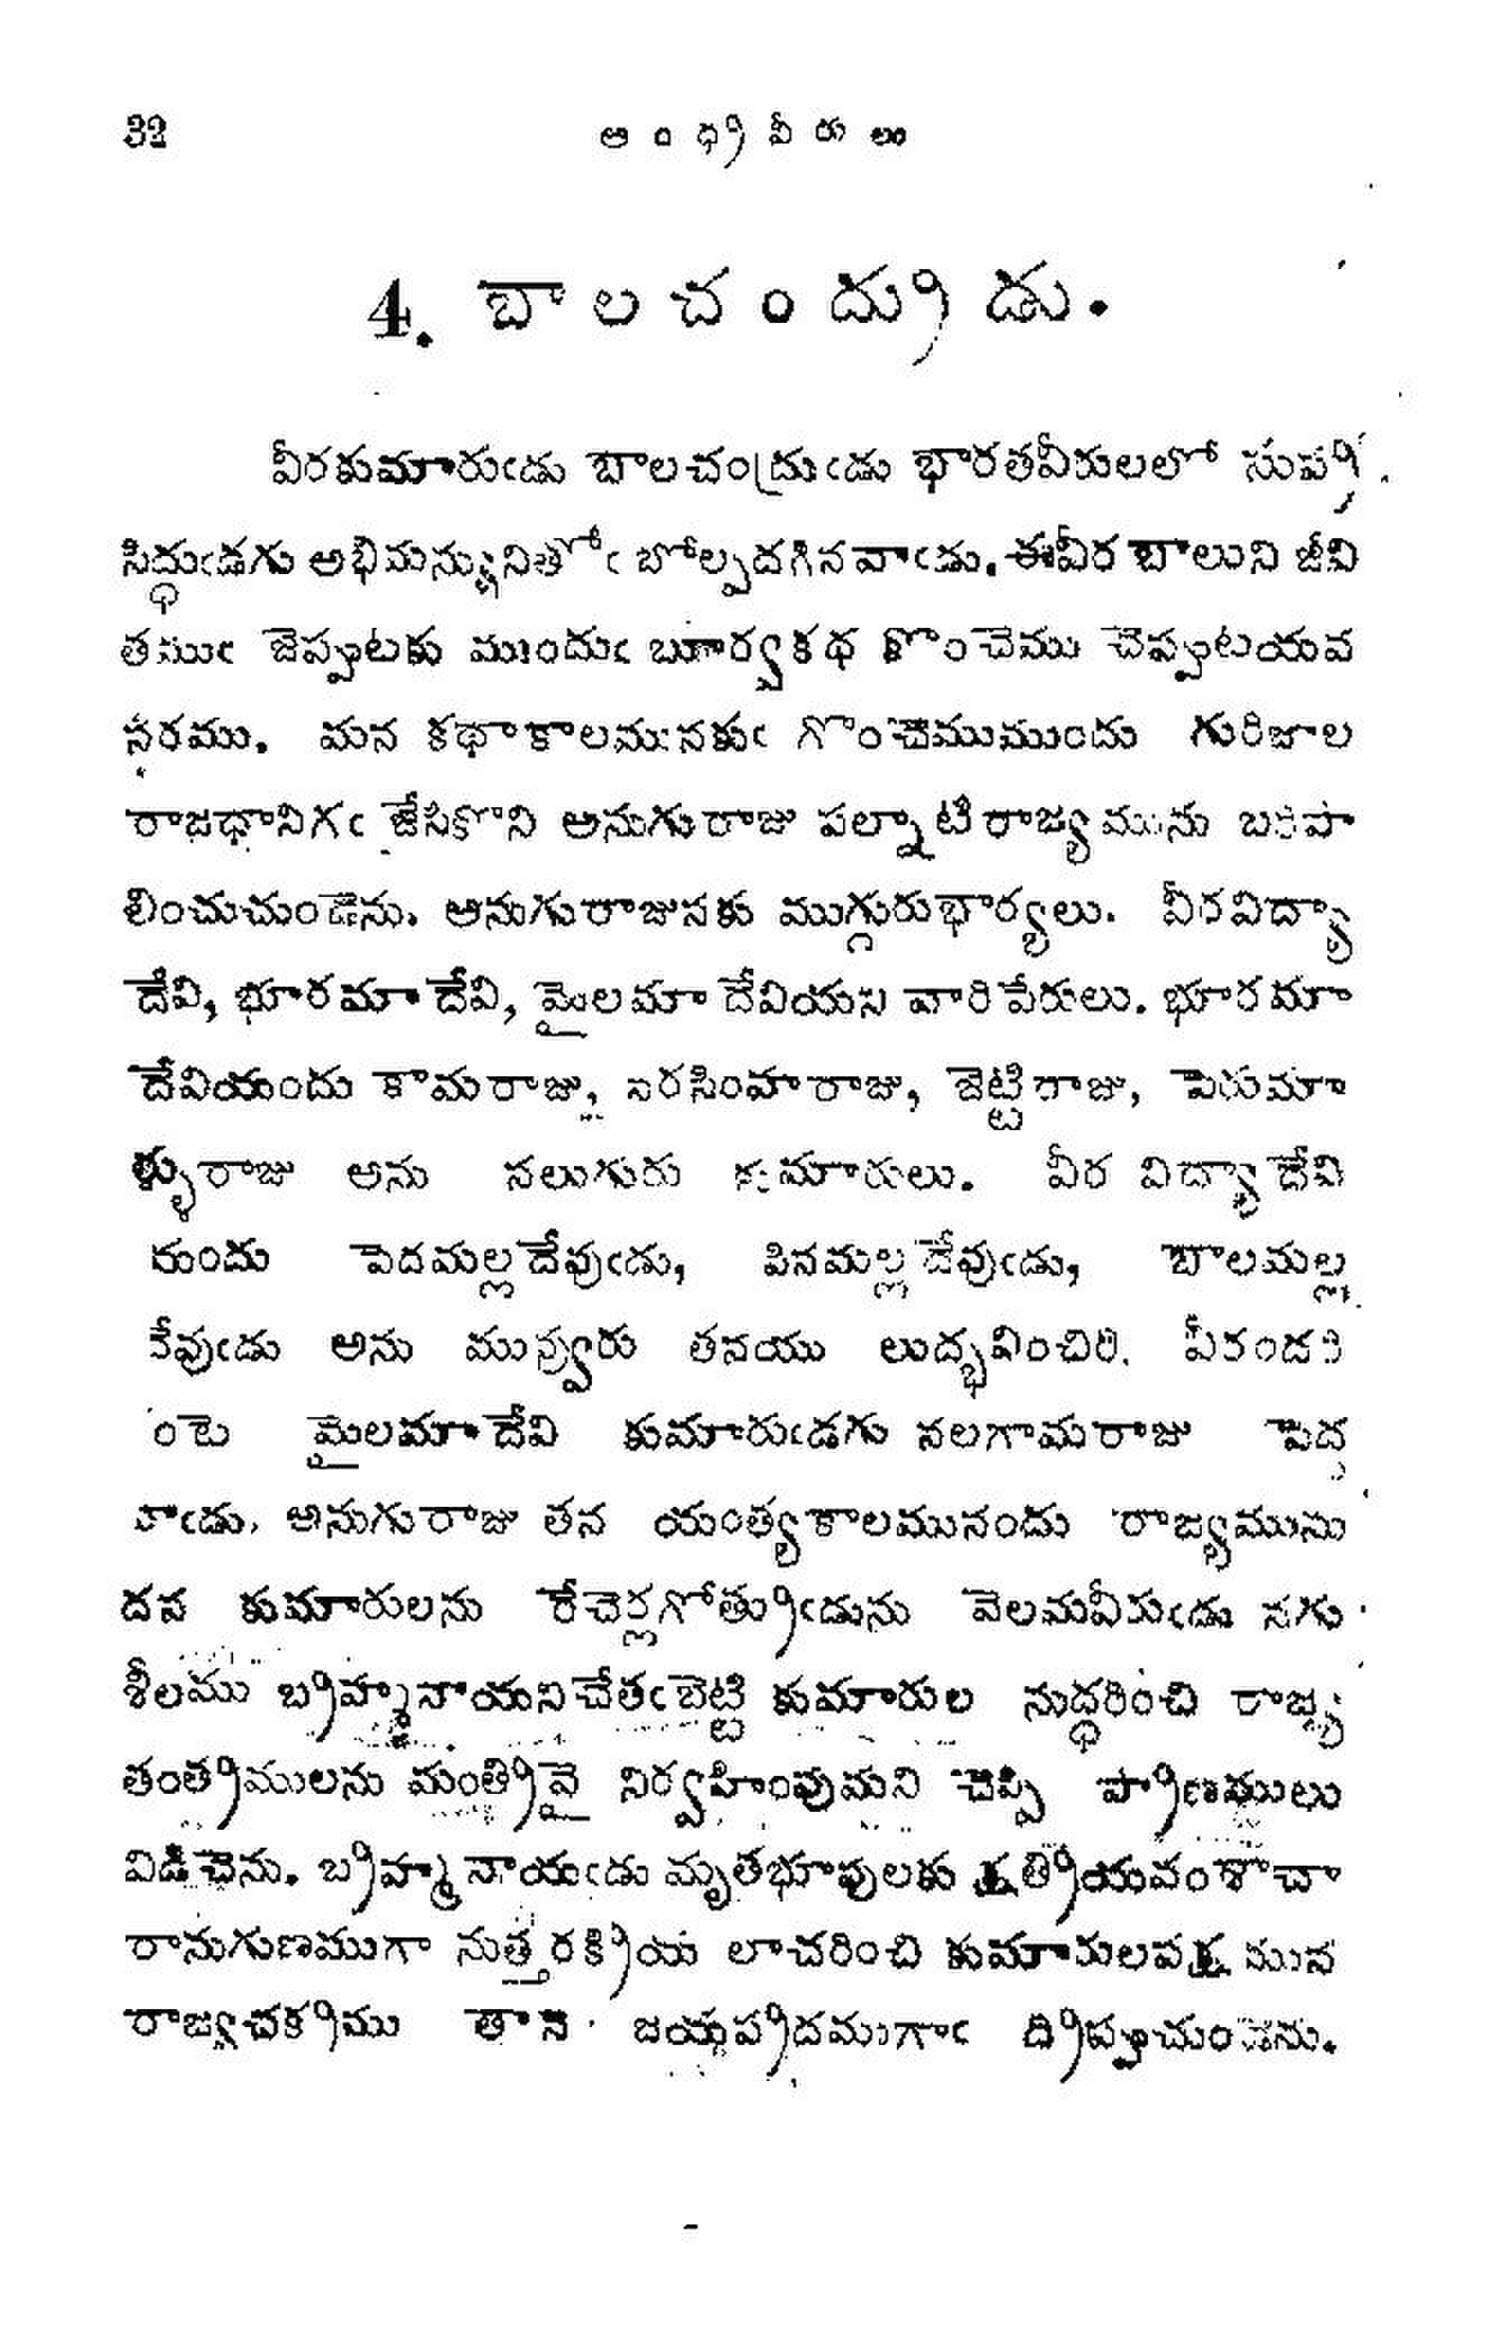వీరకుమారుడు బాలచంద్రుడు భారతవీరులలో సుప్రసిద్ధుడగు అభిమన్యునితో బోల్పదగినవాడు. ఈవీర బాలుని జీవితము జెప్పుటకు ముందు బూర్వకథ కొంచెము చెప్పుటయవసరము. మన కథా కాలమునకు గొంచెముముందు గురిజాల రాజధానిగ జేసికొని అనుగురాజు పల్నాటి రాజ్యమును బరిపాలించుచుండెను. అనుగురాజునకు ముగ్గురుభార్యలు. వీరవిద్యాదేవి, భూరమాదేవి, మైలమాదేవియని వారిపేరులు. భూరమాదేవియందు కామరాజు, నరసింహరాజు, జెట్టిరాజు, పెరుమాళ్ళురాజు అను నలుగురు కుమారులు. వీరవిద్యాదేవి యందు పెదమల్లదేవుడు, పినమల్లదేవుడు, బాలమల్ల దేవుడు అను మువ్వురు తనయు లుద్భవించిరి. వీరందరి కంటె మైలమాదేవి కుమారుడగు నలగామరాజు పెద్దవాడు. అనుగురాజు తన యంత్యకాలమునందు రాజ్యమును దనకుమారులను రేచర్లగోత్రుడును వెలమవీరుడు నగు శీలము బ్రహ్మానాయని చేతబెట్టి కుమారుల నుద్ధరించి రాజ్య తంత్రములను మంత్రివై నిర్వహింపుమని చెప్పి ప్రాణములు విడిచెను. బ్రహ్మనాయడు మృతభూపులకు క్షత్రియవంశాచారానుగుణముగా నుత్తరక్రియ లాచరించి కుమారులపక్షమున రాజ్యచక్రము తానె జయప్రదముగా ద్రిప్పుచుండెను.